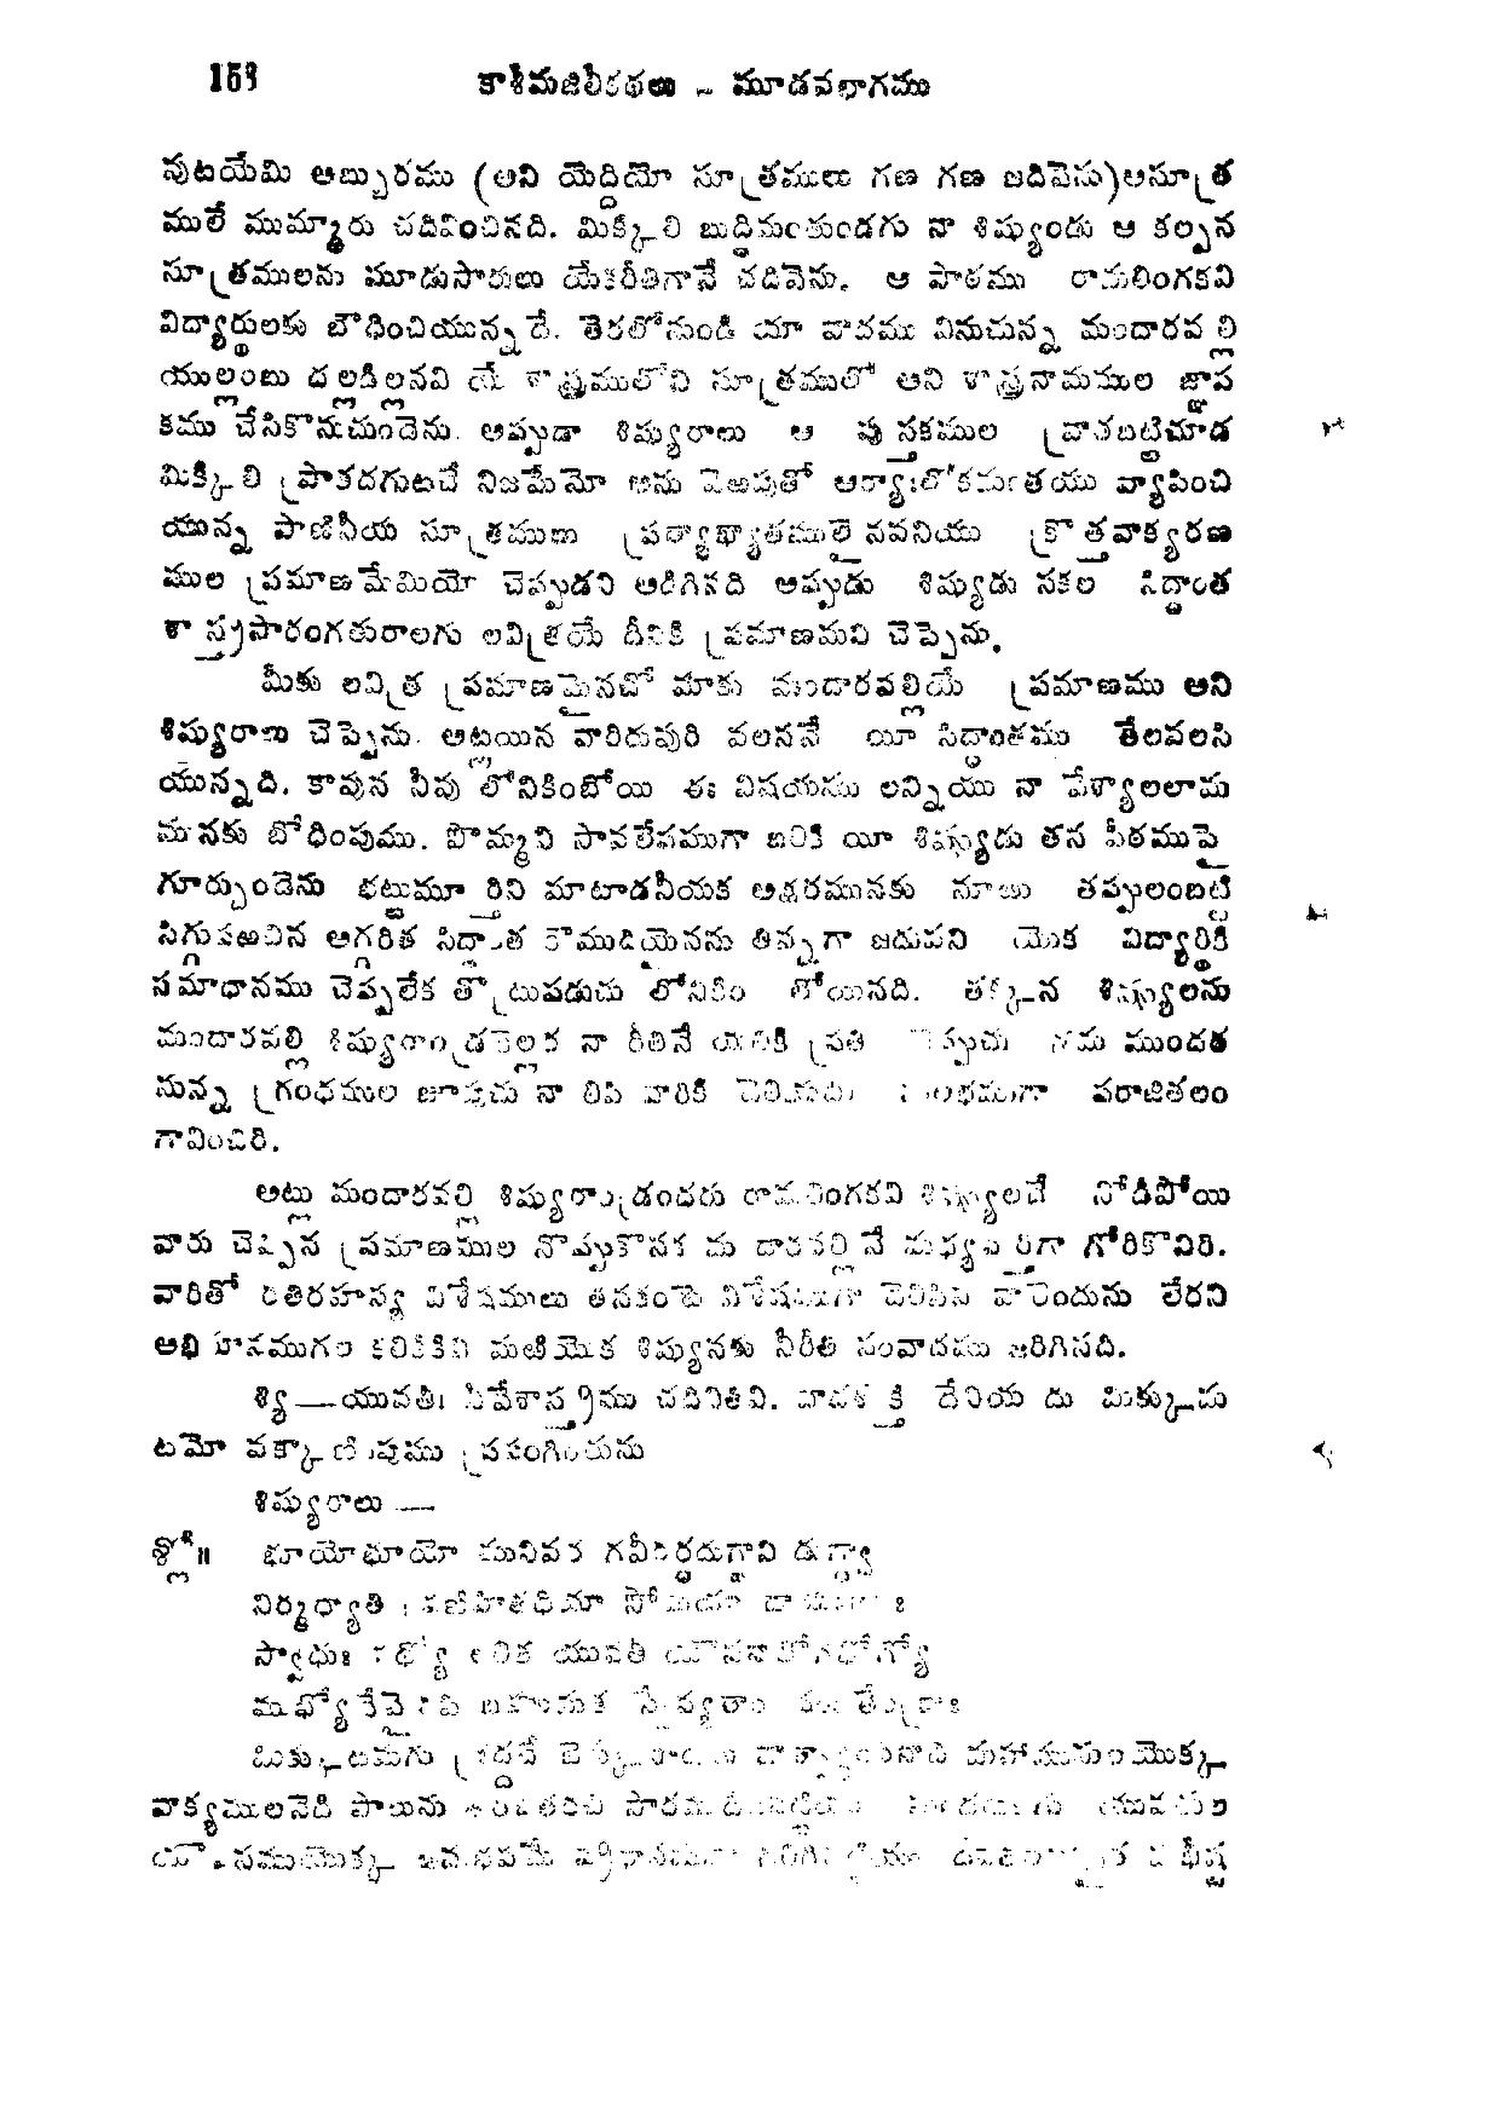వుటయేమి అబ్బురము (అని యెద్దియో సూత్రములు గణ గణ జదివెను) ఆసూత్రములే ముమ్మారు చదివించినది. మిక్కిలి బుద్ధిమంతుండగు నా శిష్యుండు ఆ కల్పన సూత్రములను మూడుసారులు యేకరీతిగానే చదివెను. ఆ పాఠము రామలింగకవి విద్యార్థులకు బోధించియున్నదే. తెరలోనుండి యా వాదము వినుచున్న మందారవల్లి యుల్లంబు దల్లడిల్లనవి యే శాస్త్రములోని సూత్రములో అని శాస్త్రనామముల జ్ఞాపకము చేసికొనుచుండెను. అప్పుడా శిష్యురాలు ఆ పుస్తకముల వ్రాతబట్టిచూడ
మిక్కిలి ప్రాతదగుటచే నిజమేమో అను వెఱుపుతో ఆర్యా! లోకమంతయు వ్యాపించియున్న పాణినీయసూత్రములు ప్రత్యాఖ్యాతములై నవనియు క్రొత్తవాక్యరణముల ప్రమాణమేమియో చెప్పుడని అడిగినది అప్పుడు శిష్యుడు సకలసిద్ధాంతశాస్త్రసారంగతురాలగు లవిత్రయే దీనికి ప్రమాణమని చెప్పెను.

మీకు లవిత్ర ప్రమాణమైనచో మాకు మందారవల్లియే ప్రమాణము అని శిష్యురాలు చెప్పెను. అట్లయిన వారిరువురి వలననే యీ సిద్ధాంతము తేలవలసి యున్నది. కావున నీవు లోనికింబోయి ఈ విషయము లన్నియు నా వేశ్యాలలామమునకు బోధింపుము. పొమ్మని సావలేపముగా బలికి యీ శిష్యుడు తన పీఠముపై గూర్చుండెను భట్టుమూర్తిని మాటాడనీయక అక్షరమునకు నూఱు తప్పులంబట్టి
సిగ్గుపఱచిన ఆగ్గరిత సిద్దాంతకౌముదియైనను తిన్నగా జదువని యొక విద్యార్థికి సమాధానము చెప్పలేక తొట్రుపడుచు లోనికిం బోయినది. తక్కిన శిష్యులను మందారవల్లి శిష్యురాండ్రకెల్లర నా రీతినే యతికి ప్రతి జెప్పుచు తమ ముందర నున్న గ్రంధముల జూపుచు నా లిపి వారికి దెలియమి సులభముగా పరాజితలం గావించిరి.

అట్లు మందారవల్లి శిష్యురాండ్రందరు రామలింగకవి శిష్యులచే నోడిపోయి వారు చెప్పిన ప్రమాణముల నొప్పుకొనక మందారవల్లినే మధ్యవర్తిగా గోరికొనిరి. వారితో రతిరహస్య విశేషములు తనకంటె విశేషముగా దెలిసిన వారెందును లేరని అభిమానముగల కలికికిని మఱియొక శిష్యునకు నీరీతి సంవాదము జరిగినది.

శిష్యు - యువతీ! నీవేశాస్త్రము చదివితివి. వాదశక్తి దేనియందు మిక్కుటమో వక్కాణింపుము ప్రసంగింతును

శిష్యురాలు -

శ్లో॥ భూయోభూయో మునివర గవీరర్థదుగ్థాని డుగ్ధ్వా
 నిర్మధ్యాతి ప్రణిహితధియా సోమయా దాయతః
 స్వాధుః వథ్యో లలిత యువతీ యౌవనాభోగభోగ్యో
 ముఖ్యోదేవైరపి బహుమత స్సేవ్యతాం ----తేంద్రాః
మిక్కుటమగు శ్రద్దచే బెక్కుసారులు వాత్స్యాయనాది మహామునులయొక్క వాక్యములనెడి పాలును తరచితరచి సారము దీవపట్టియు మందయగు యువతుల యౌవనముయొక్క అనుభవమే ప్రధానముగా గలిగినట్టియు దేవతా--------- భీష్ట